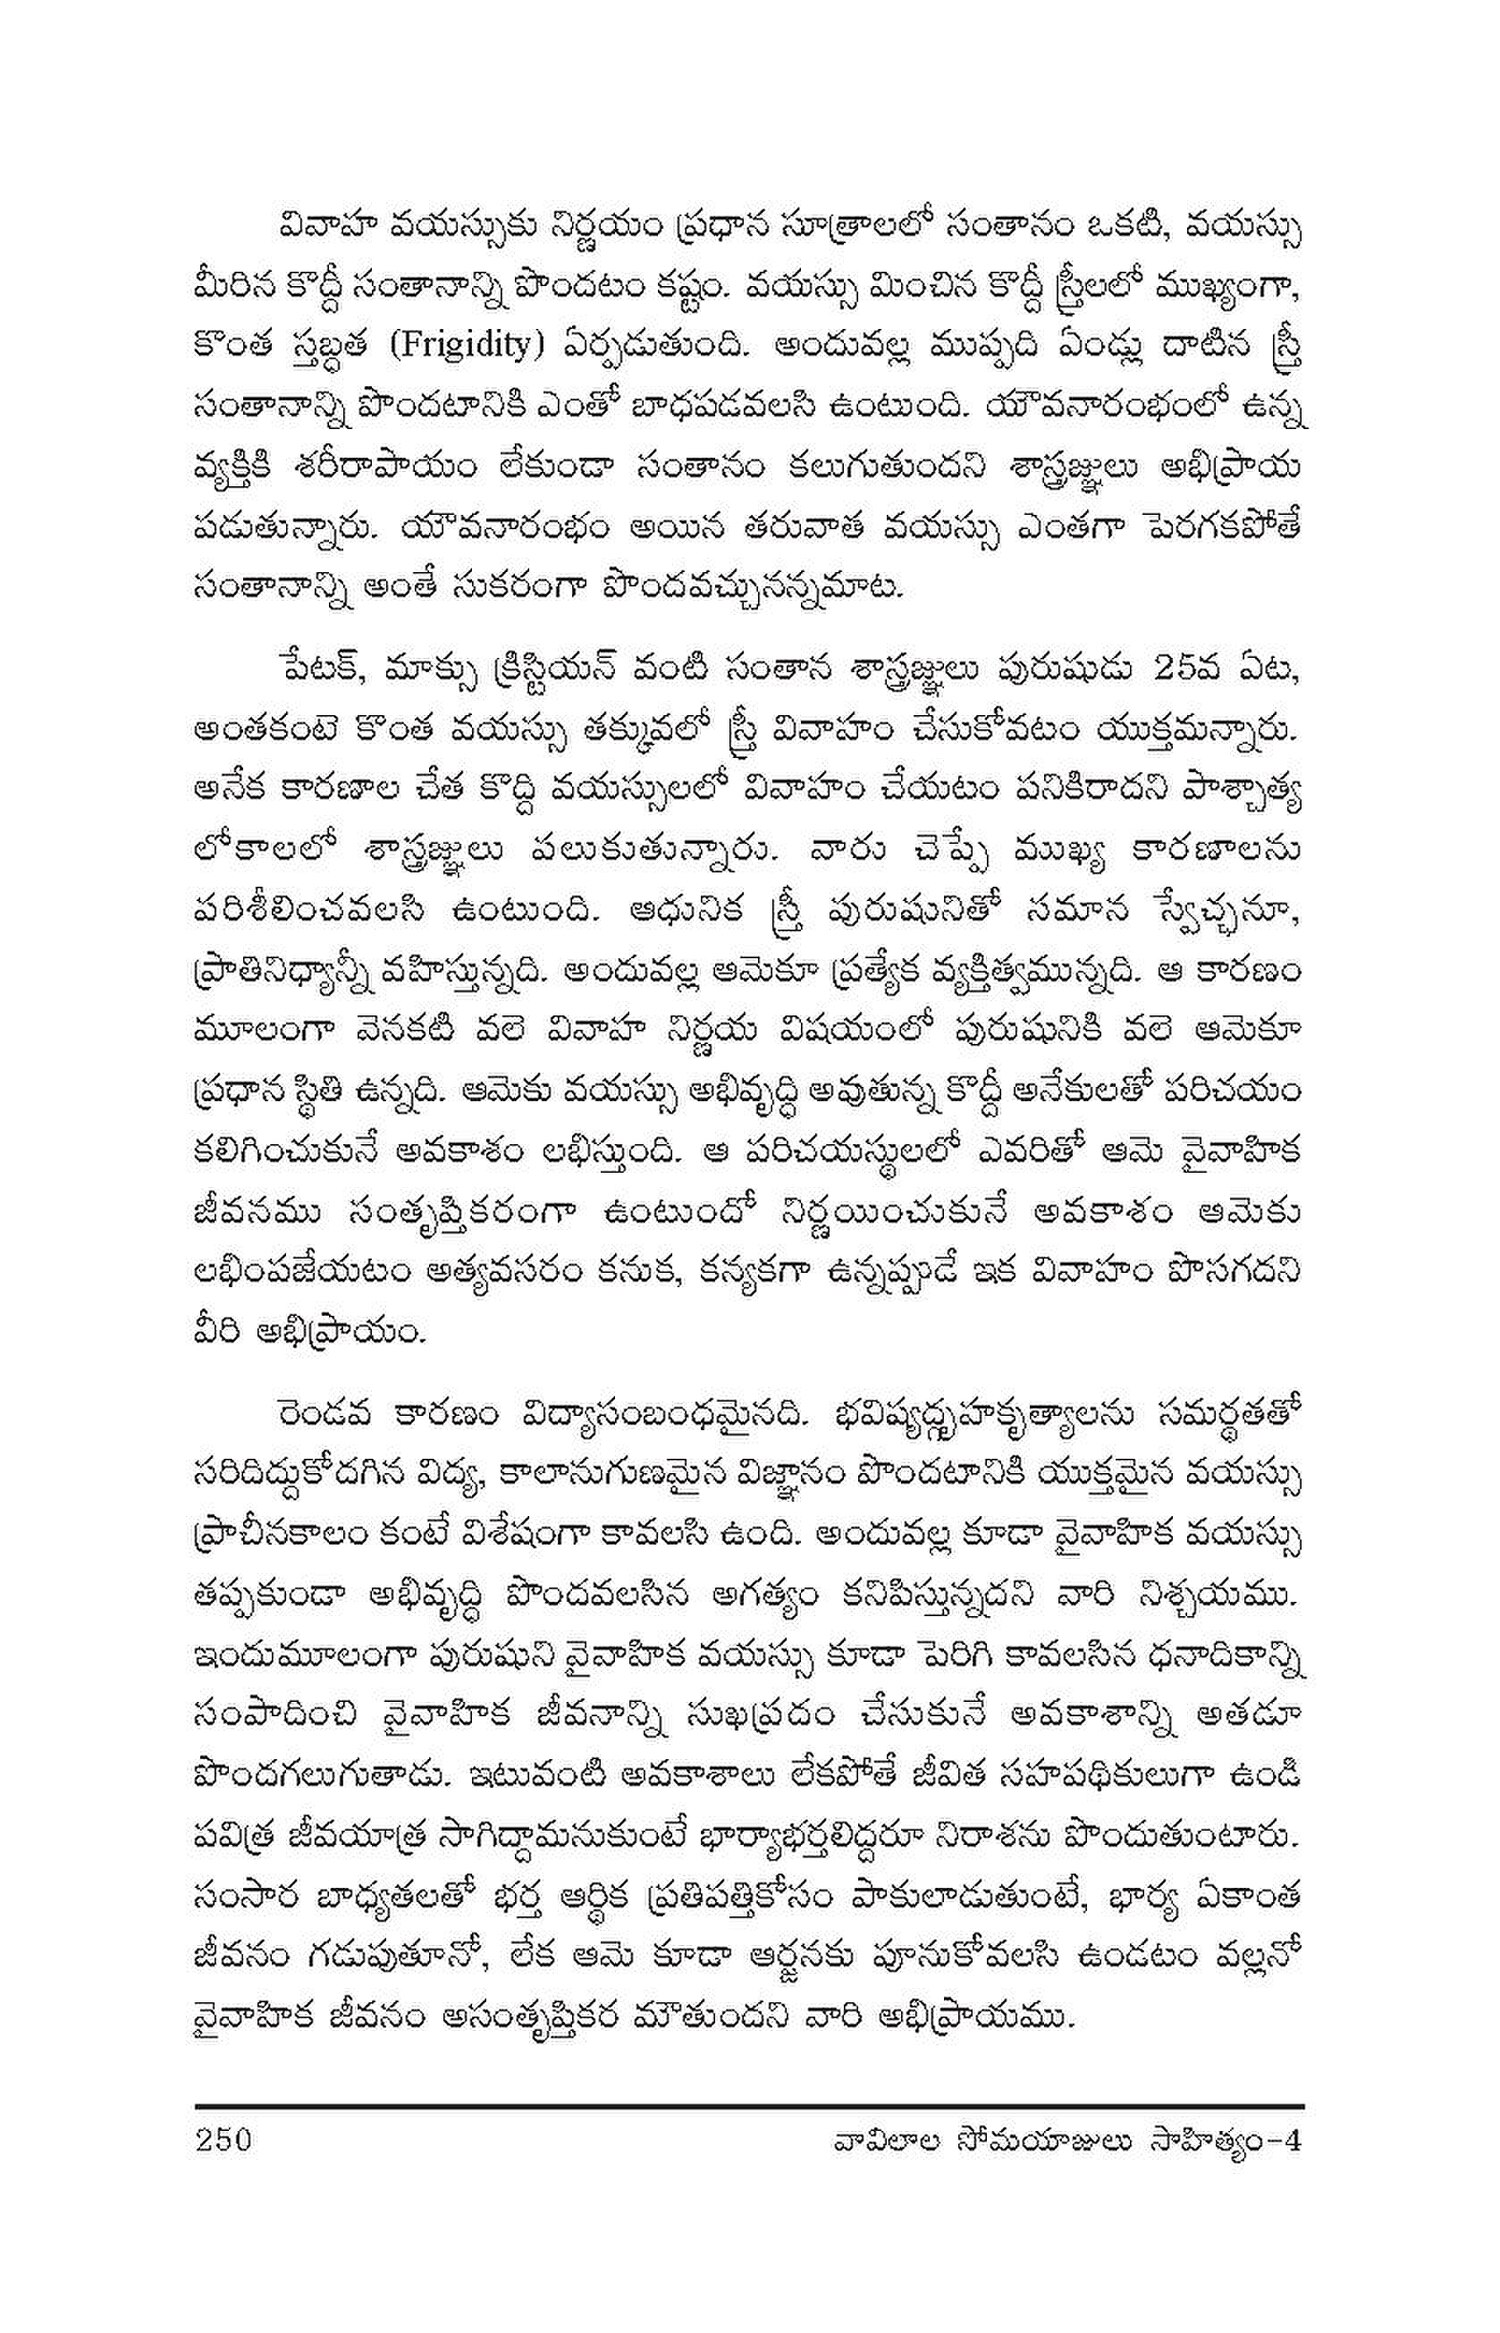వివాహ వయస్సుకు నిర్ణయం ప్రధాన సూత్రాలలో సంతానం ఒకటి, వయస్సు
మీరిన కొద్దీ సంతానాన్ని పొందటం కష్టం. వయస్సు మించిన కొద్దీ స్త్రీలలో ముఖ్యంగా,
కొంత స్తబ్ధత (Frigidity) ఏర్పడుతుంది. అందువల్ల ముప్పది ఏండ్లు దాటిన స్త్రీ
సంతానాన్ని పొందటానికి ఎంతో బాధపడవలసి ఉంటుంది. యౌవనారంభంలో ఉన్న
వ్యక్తికి శరీరాపాయం లేకుండా సంతానం కలుగుతుందని శాస్త్రజ్ఞులు అభిప్రాయ
పడుతున్నారు. యౌవనారంభం అయిన తరువాత వయస్సు ఎంతగా పెరగకపోతే
సంతానాన్ని అంతే సుకరంగా పొందవచ్చునన్నమాట.

పేటక్, మాక్సు క్రిస్టియన్ వంటి సంతాన శాస్త్రజ్ఞులు పురుషుడు 25వ ఏట,
అంతకంటే కొంత వయస్సు తక్కువలో స్త్రీ వివాహం చేసుకోవటం యుక్తమన్నారు.
అనేక కారణాల చేత కొద్ది వయస్సులలో వివాహం చేయటం పనికిరాదని పాశ్చాత్య
లోకాలలో శాస్త్రజ్ఞులు పలుకుతున్నారు. వారు చెప్పే ముఖ్య కారణాలను
పరిశీలించవలసి ఉంటుంది. ఆధునిక స్త్రీ పురుషునితో సమాన స్వేచ్ఛనూ,
ప్రాతినిధ్యాన్నీ వహిస్తున్నది. అందువల్ల ఆమెకూ ప్రత్యేక వ్యక్తిత్వమున్నది. ఆ కారణం
మూలంగా వెనకటి వలె వివాహ నిర్ణయ విషయంలో పురుషునికి వలె ఆమెకూ
ప్రధాన స్థితి ఉన్నది. ఆమెకు వయస్సు అభివృద్ధి అవుతున్న కొద్దీ అనేకులతో పరిచయం
కలిగించుకునే అవకాశం లభిస్తుంది. ఆ పరిచయస్థులలో ఎవరితో ఆమె వైవాహిక
జీవనము సంతృప్తికరంగా ఉంటుందో నిర్ణయించుకునే అవకాశం ఆమెకు
లభింపజేయటం అత్యవసరం కనుక, కన్యకగా ఉన్నప్పుడే ఇక వివాహం పొసగదని
వీరి అభిప్రాయం.

రెండవ కారణం విద్యాసంబంధమైనది. భవిష్యద్గృహకృత్యాలను సమర్థతతో
సరిదిద్దుకోదగిన విద్య, కాలానుగుణమైన విజ్ఞానం పొందటానికి యుక్తమైన వయస్సు
ప్రాచీనకాలం కంటే విశేషంగా కావలసి ఉంది. అందువల్ల కూడా వైవాహిక వయస్సు
తప్పకుండా అభివృద్ధి పొందవలసిన అగత్యం కనిపిస్తున్నదని వారి నిశ్చయము.
ఇందుమూలంగా పురుషుని వైవాహిక వయస్సు కూడా పెరిగి కావలసిన ధనాదికాన్ని
సంపాదించి వైవాహిక జీవనాన్ని సుఖప్రదం చేసుకునే అవకాశాన్ని అతడూ
పొందగలుగుతాడు. ఇటువంటి అవకాశాలు లేకపోతే జీవిత సహపథికులుగా ఉండి
పవిత్ర జీవయాత్ర సాగిద్దామనుకుంటే భార్యాభర్తలిద్దరూ నిరాశను పొందుతుంటారు.
సంసార బాధ్యతలతో భర్త ఆర్థిక ప్రతిపత్తికోసం పాకులాడుతుంటే, భార్య ఏకాంత
జీవనం గడుపుతూనో, లేక ఆమె కూడా ఆర్జనకు పూనుకోవలసి ఉండటం వల్లనో
వైవాహిక జీవనం అసంతృప్తికర మౌతుందని వారి అభిప్రాయము.